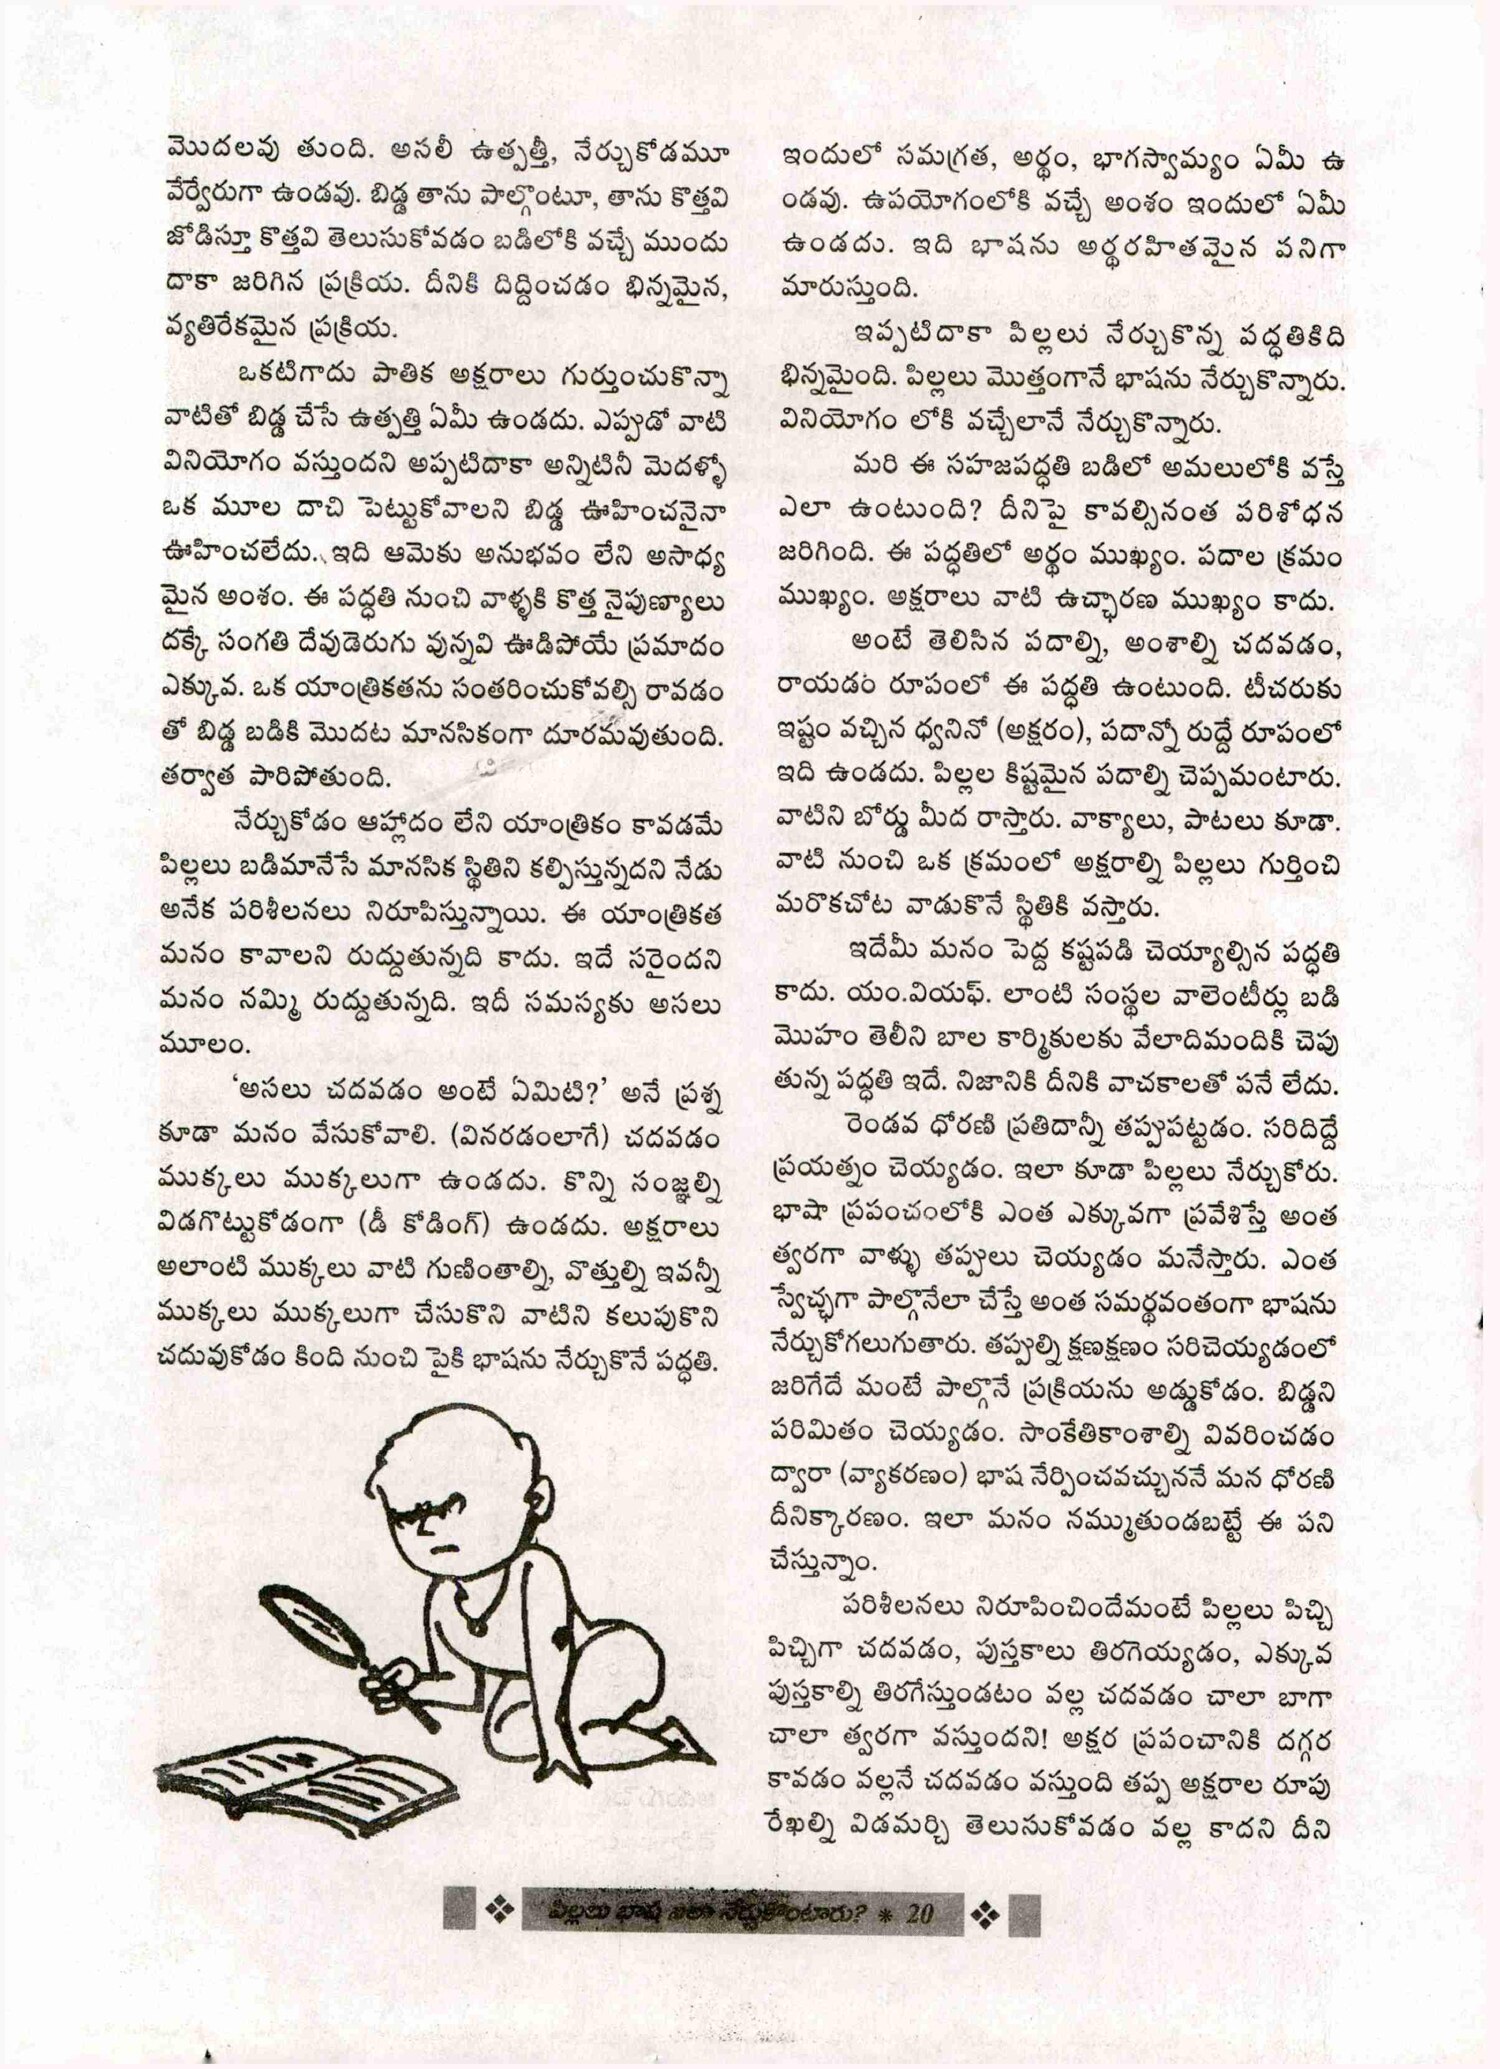మొదలవు తుంది. అసలీ ఉత్పత్తి, నేర్చుకోడమూ వేర్వేరుగా ఉండవు. బిడ్డ తాను పాల్గొంటూ, తాను కొత్తవి జోడిస్తూ కొత్తవి తెలుసుకోవడం బడిలోకి వచ్చే ముందు దాకా జరిగిన ప్రక్రియ. దీనికి దిద్దించడం భిన్నమైన, వ్యతిరేకమైన ప్రక్రియ.

ఒకటిగాదు పాతిక అక్షరాలు గుర్తుంచుకొన్నా వాటితో బిడ్డ చేసే ఉత్పత్తి ఏమీ ఉండదు. ఎప్పుడో వాటి వినియోగం వస్తుందని అప్పటిదాకా అన్నిటినీ మెదళ్ళో ఒక మూల దాచి పెట్టుకోవాలని బిడ్డ ఊహించనైనా ఊహించలేదు. ఇది ఆమెకు అనుభవం లేని అసాధ్యమైన అంశం. ఈ పద్ధతి నుంచి వాళ్ళకి కొత్త నైపుణ్యాలు దక్కే సంగతి దేవుడెరుగు వున్నవి ఊడిపోయే ప్రమాదం ఎక్కువ. ఒక యాంత్రికతను సంతరించుకోవల్సి రావడంతో బిడ్డ బడికి మొదట మానసికంగా దూరమవుతుంది. తర్వాత పారిపోతుంది.

నేర్చుకోడం ఆహ్లాదం లేని యాంత్రికం కావడమే పిల్లలు బడిమానేసే మానసిక స్థితిని కల్పిస్తున్నదని నేడు అనేక పరిశీలనలు నిరూపిస్తున్నాయి. ఈ యాంత్రికత మనం కావాలని రుద్దుతున్నది కాదు. ఇదే సరైందని మనం నమ్మి రుద్దుతున్నది. ఇదీ సమస్యకు అసలు మూలం.

'అసలు చదవడం అంటే ఏమిటి?' అనే ప్రశ్న కూడా మనం వేసుకోవాలి. (వినరడంలాగే) చదవడం ముక్కలు ముక్కలుగా ఉండదు. కొన్ని సంజ్ఞల్ని విడగొట్టుకోడంగా (డీ కోడింగ్) ఉండదు. అక్షరాలు అలాంటి ముక్కలు వాటి గుణింతాల్ని, వొత్తుల్ని ఇవన్నీ ముక్కలు ముక్కలుగా చేసుకొని వాటిని కలుపుకొని చదువుకోడం కింది నుంచి పైకి భాషను నేర్చుకొనే పద్ధతి. ఇందులో సమగ్రత, అర్థం, భాగస్వామ్యం ఏమీ ఉ౦డవు. ఉపయోగంలోకి వచ్చే అంశం ఇందులో ఏమీ ఉండదు. ఇది భాషను అర్థరహితమైన పనిగా మారుస్తుంది.

ఇప్పటిదాకా పిల్లలు నేర్చుకొన్న పద్ధతికిది భిన్నమైంది. పిల్లలు మొత్తంగానే భాషను నేర్చుకొన్నారు. వినియోగం లోకి వచ్చేలానే నేర్చుకొన్నారు.

మరి ఈ సహజపద్ధతి బడిలో అమలులోకి వస్తే ఎలా ఉంటుంది? దీనిపై కావల్సినంత పరిశోధన జరిగింది. ఈ పద్ధతిలో అర్థం ముఖ్యం. పదాల క్రమం ముఖ్యం. అక్షరాలు వాటి ఉచ్ఛారణ ముఖ్యం కాదు.

అంటే తెలిసిన పదాల్ని, అంశాల్ని చదవడం, రాయడం రూపంలో ఈ పద్దతి ఉంటుంది. టీచరుకు ఇష్టం వచ్చిన ధ్వనినో (అక్షరం), పదాన్నో రుద్దే రూపంలో ఇది ఉండదు. పిల్లల కిష్టమైన పదాల్ని చెప్పమంటారు. వాటిని బోర్డు మీద రాస్తారు. వాక్యాలు, పాటలు కూడా. వాటి నుంచి ఒక క్రమంలో అక్షరాల్ని పిల్లలు గుర్తించి మరొకచోట వాడుకొనే స్థితికి వస్తారు.

ఇదేమీ మనం పెద్ద కష్టపడి చెయ్యాల్సిన పద్ధతి కాదు. యం.వియఫ్. లాంటి సంస్థల వాలెంటీర్లు బడి మొహం తెలీని బాల కార్మికులకు వేలాదిమందికి చెపుతున్న పద్ధతి ఇదే. నిజానికి దీనికి వాచకాలతో పనే లేదు.

రెండవ ధోరణి ప్రతిదాన్నీ తప్పుపట్టడం. సరిదిద్దే ప్రయత్నం చెయ్యడం. ఇలా కూడా పిల్లలు నేర్చుకోరు. భాషా ప్రపంచంలోకి ఎంత ఎక్కువగా ప్రవేశిస్తే అంత త్వరగా వాళ్ళు తప్పులు చెయ్యడం మానేస్తారు. ఎంత స్వేచ్ఛగా పాల్గొనేలా చేస్తే అంత సమర్థవంతంగా భాషను నేర్చుకోగలుగుతారు. తప్పుల్ని క్షణక్షణం సరిచెయ్యడంలో జరిగేదే మంటే పాల్గొనే ప్రక్రియను అడ్డుకోడం. బిడ్డని పరిమితం చెయ్యడం. సాంకేతికాంశాల్ని వివరించడం ద్వారా (వ్యాకరణం) భాష నేర్పించవచ్చుననే మన ధోరణి దీనిక్కారణం. ఇలా మనం నమ్ముతుండబట్టే ఈ పని చేస్తున్నాం.

పరిశీలనలు నిరూపించిందేమంటే పిల్లలు పిచ్చి పిచ్చిగా చదవడం, పుస్తకాలు తిరగెయ్యడం, ఎక్కువ పుస్తకాల్ని తిరగేస్తుండటం వల్ల చదవడం చాలా బాగా చాలా త్వరగా వస్తుందని! అక్షర ప్రపంచానికి దగ్గర కావడం వల్లనే చదవడం వస్తుంది తప్ప అక్షరాల రూపు రేఖల్ని విడమర్చి తెలుసుకోవడం వల్ల కాదని దీని